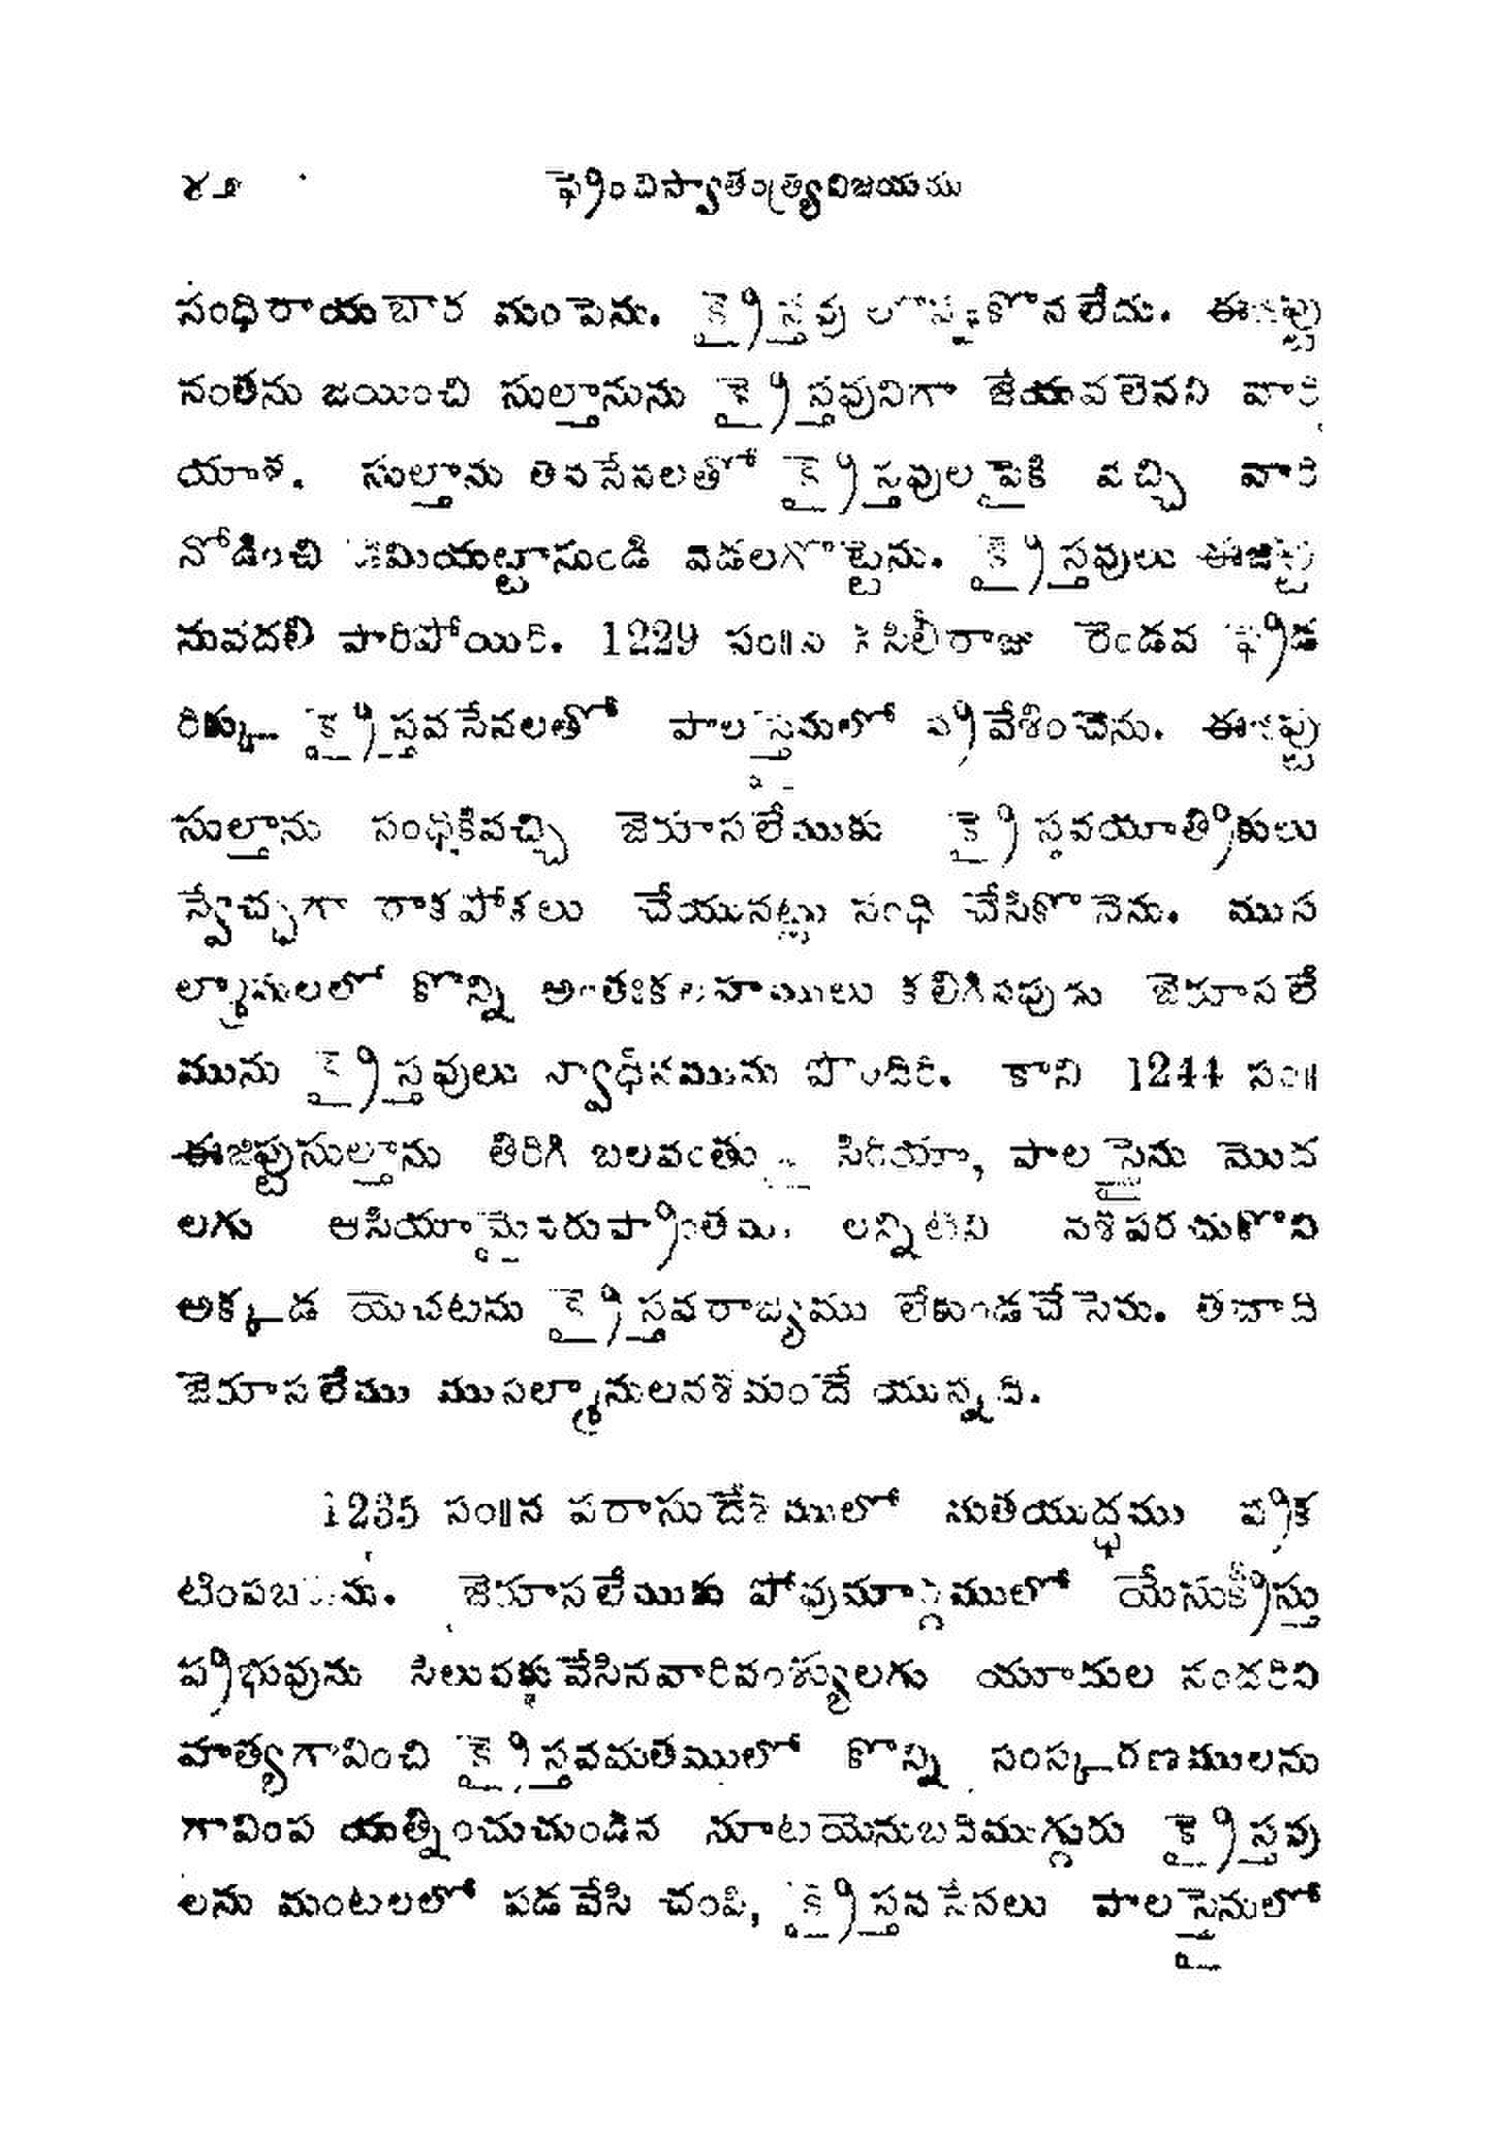సంధి రాయబార మంపెను. క్రైస్తవులొప్పు కొన లేదు. ఈజిప్టు
నంతను జయించి సుల్తానును క్రైస్తవునిగా జేయవలెననీ వారి
యాశ, సుల్తాను తెన సేనలతో క్రైస్తవుల పైకి వచ్చి వారి
నోడించి డిమియాట్టాసుండి వెడలగొట్టెను. క్రైస్తవులు ఈజిస్ట్
నువదలి పారిపోయి.. 1229 సం|| సిసిలీ రాజు 'రెండవ ప్రెడ
రిక్కు క్రైస్తవ సేనలతో పాలస్తీనులో ప్రవేశించెను. ఈజిప్టు
సుల్తాను సంధికి వచ్చి జరూస లేముకు క్రైస్తవయాత్రికులు
స్వేచ్ఛగా రాక పోకలు చేయునట్లు సంధి చేసికొనెను. ముస
ల్మానులలో కొన్ని అతఃకలహములు కలిగినపుడు జెరూసలే
మును క్రైస్తవులు స్వాధీనమును పొందిరి. కాని 1244 సం||
ఈజిప్టు సుల్తాను తిరిగి బలవంతుడై సిరియా, పాలస్తైను మొద
లగు గా ఆసియా మైనరు ప్రాంతము. అన్నిటిని వసశపరచుకొని
అక్కడ యెచటను క్రైస్తవ రాజ్యము లేకుండ చేసెను. తదాది
జెరూసలేము ముసల్మానుల వశమందే యున్నది.

1235 సం॥న పరాసు దేశములో మతయుద్ధము ప్రక
టింపబడెను. జేరూసలేముకు పోవుమార్గములో యేసుక్రీస్తు
ప్రభువును సిలువ వేసిన వారివంశ్యులగు యూదుల సందరిని
హత్య గావించి క్రైస్తవమతములో కొన్ని సంస్కరణములను
గావింప యత్నించుచుండిన నూట యెసు బది ముగ్గురు క్రైస్తవు
లను మంటలలో పడ వేసి చంపి, క్రైస్తవ సేనలు పాలస్తైనులో